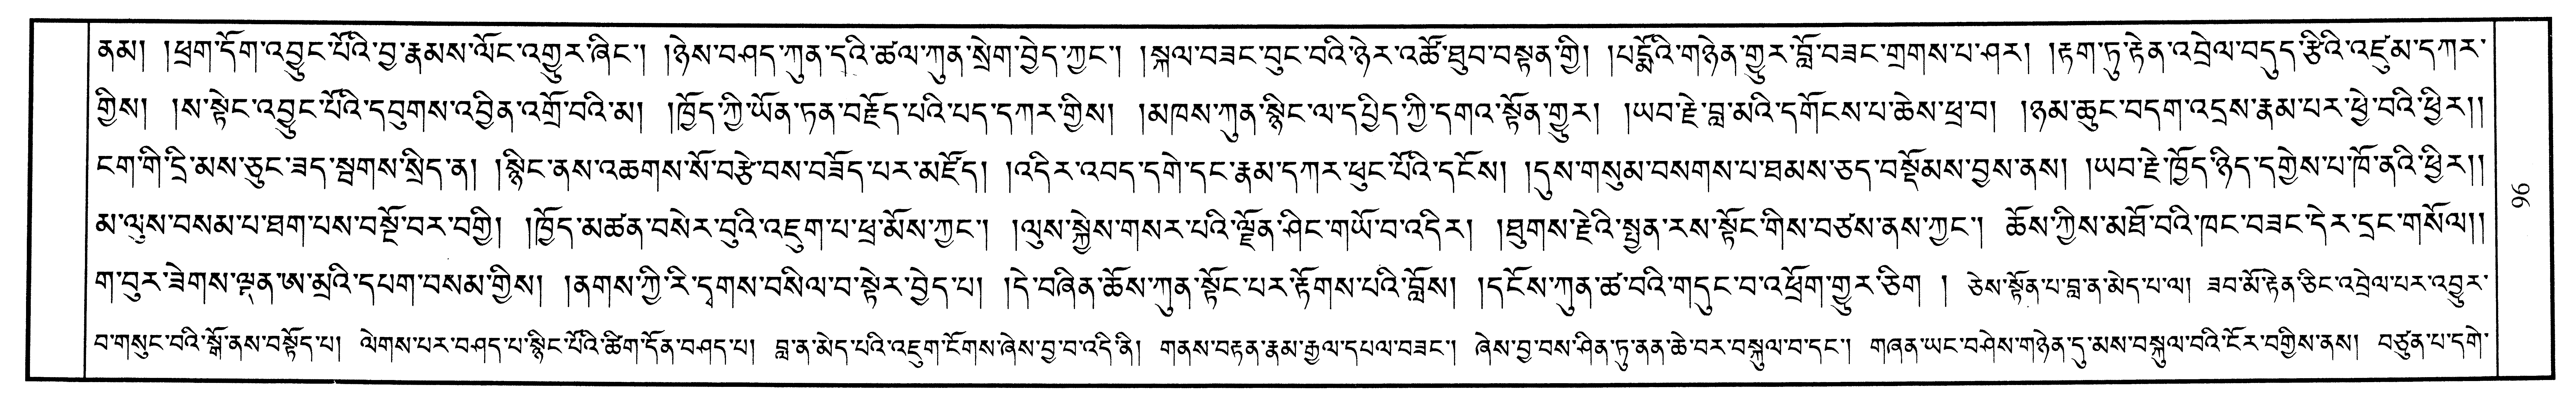ནམ། །ཕྲག་དོག་འབྱུང་པོའི་བྱ་རྣམས་ལོང་འགྱུར་ཞིང་། །ཉེས་བཤད་ཀུན་དའི་ཚལ་ཀུན་སྲེག་བྱེད་ཀྱང་། །སྐལ་བཟང་བུང་བའི་ཉེར་འཚོ་ཐུབ་བསྟན་གྱི། །པདམོའི་གཉེན་གྱུར་བློ་བཟང་གྲགས་པ་ཤར། །རྟག་ཏུ་རྟེན་འབྲེལ་བདུད་རྩིའི་འཛུམ་དཀར་
གྱིས། །ས་སྟེང་འབྱུང་པོའི་དབུགས་འབྱིན་འགྲོ་བའི་མ། །ཁྱོད་ཀྱི་ཡོན་ཏན་བརྗོད་པའི་པད་དཀར་གྱིས། །མཁས་ཀུན་སྙིང་ལ་དཔྱིད་ཀྱི་དགའ་སྟོན་གྱུར། །ཡབ་རྗེ་བླ་མའི་དགོངས་པ་ཆེས་ཕྲ་བ། །ཉམ་ཆུང་བདག་འདྲས་རྣམ་པར་ཕྱེ་བའི་ཕྱིར།།
ངག་གི་དྲི་མས་ཅུང་ཟད་སྦགས་སྲིད་ན། །སྙིང་ནས་འཆགས་སོ་བརྩེ་བས་བཟོད་པར་མཛོད། །འདིར་འབད་དགེ་དང་རྣམ་དཀར་ཕུང་པོའི་དངོས། །དུས་གསུམ་བསགས་པ་ཐམས་ཅད་བསྡོམས་བྱས་ནས། །ཡབ་རྗེ་ཁྱོད་ཉིད་དགྱེས་པ་ཁོ་ནའི་ཕྱིར།།
མ་ལུས་བསམ་པ་ཐག་པས་བསྔོ་བར་བགྱི། །ཁྱོད་མཚན་བསེར་བུའི་འཇུག་པ་ཕྲ་མོས་ཀྱང་། །ལུས་སྐྱེས་གསར་པའི་ལྗོན་ཤིང་གཡོ་བ་འདིར། །ཐུགས་རྗེའི་སྤྱན་རས་སྟོང་གིས་བཙས་ནས་ཀྱང་། ཆོས་ཀྱིས་མཐོ་བའི་ཁང་བཟང་དེར་དྲང་གསོལ།།
ག་བུར་ཟེགས་ལྡན་ཨ་མྲའི་དཔག་བསམ་གྱིས། །ནགས་ཀྱི་རི་དྭགས་བསིལ་བ་སྟེར་བྱེད་པ། །དེ་བཞིན་ཆོས་ཀུན་སྟོང་པར་རྟོགས་པའི་བློས། །དངོས་ཀུན་ཚ་བའི་གདུང་བ་འཕྲོག་གྱུར་ཅིག །ཅེས་སྟོན་པ་བླ་ན་མེད་པ་ལ། ཟབ་མོ་རྟེན་ཅིང་འབྲེལ་པར་འབྱུར་
བ་གསུང་བའི་སྒོ་ནས་བསྟོད་པ། ལེགས་པར་བཤད་པ་སྙིང་པོའི་ཚིག་དོན་བཤད་པ། བླ་ན་མེད་པའི་འཇུག་ངོགས་ཞེས་བྱ་བ་འདི་ནི། གནས་བརྟན་རྣམ་རྒྱལ་དཔལ་བཟང་། ཞེས་བྱ་བས་ཤིན་ཏུ་ནན་ཆེ་བར་བསྐུལ་བ་དང་། གཞན་ཡང་བཤེས་གཉེན་དུ་མས་བསྐུལ་བའི་ངོར་བགྱིས་ནས། བཙུན་པ་དགེ་